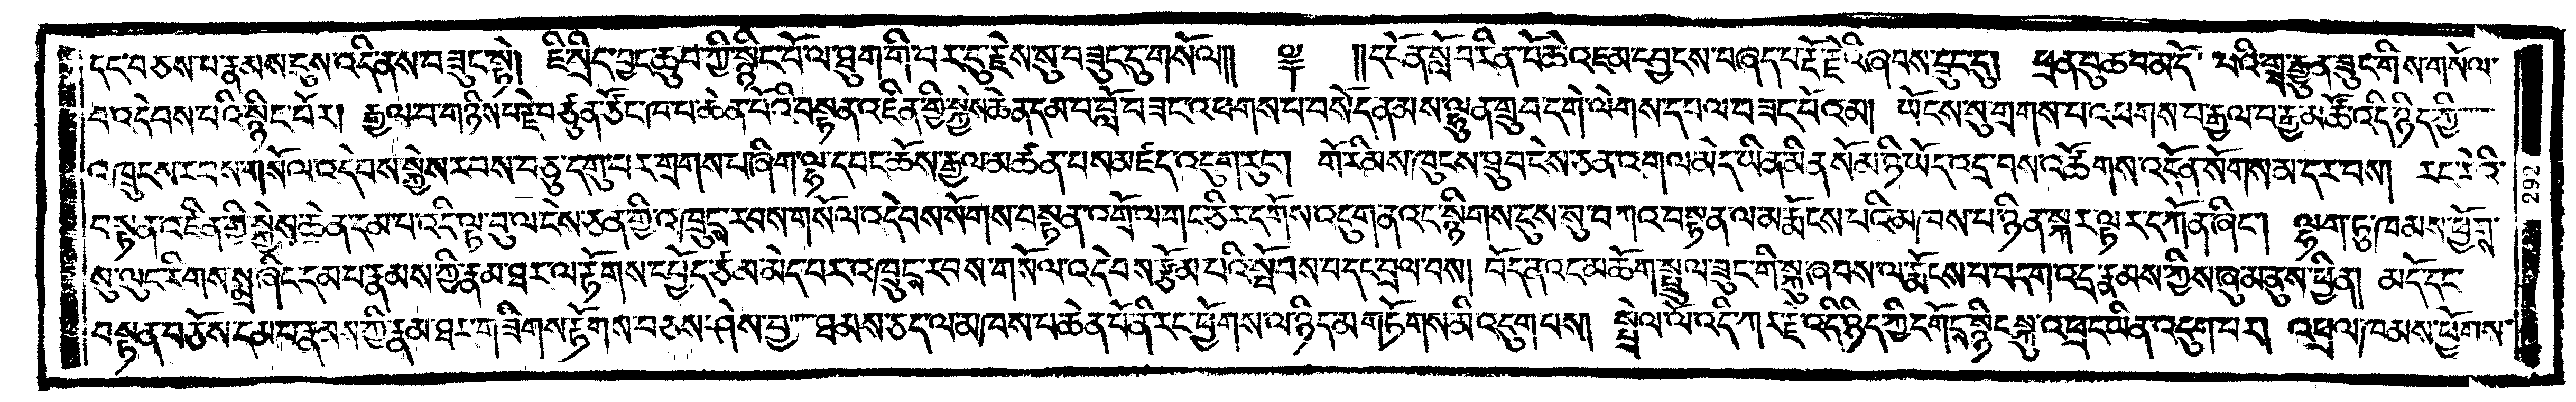དང་བཅས་པ་རྣམས་དུས་འདི་ནས་བཟུང་སྟེ། ཇི་སྲིད་བྱང་ཆུབ་ཀྱི་སྙིང་པོ་ལ་ཐུག་གི་བར་དུ་རྗེས་སུ་བཟུང་དུ་གསོལ།། ༈ །།དངོན་སློབ་རིན་པོ་ཆེ་འཇམ་དབྱངས་བཞད་པ་རྡོ་རྗེའི་ཞབས་དྲུང་དུ། ཕྲན་བུ་ཆབ་མདོ་པའི་གྲྭ་རྒྱུན་ཟུང་གིས་གསོལ་
བ་འདེབས་པའི་སྙིང་པོར། རྒྱལ་བ་གཉིས་པ་རྗེ་བཙུན་ཙོང་ཁ་བ་ཆེན་པོའི་བསྟན་འཛིན་གྱི་སྐྱེས་ཆེན་དམ་བ་བློ་བཟང་འཕགས་པ་བསོད་ནམས་ལྷུན་གྲུབ་དགེ་ལེགས་དཔལ་བཟང་པོའམ། ཡོངས་སུ་གྲགས་པ་འཕགས་པ་རྒྱལ་བརྒྱ་མཚོ་འདི་ཉིད་ཀྱི་
འཁྲུངས་རབས་གསོལ་འདེབས་སྐྱེས་རབས་བཅུ་དགུ་པར་གྲགས་པ་ཞིག་ལྷ་དབང་ཆོས་རྒྱལ་མཚན་པས་མཛད་འདུག་རུང་། གོ་རིམས་ཁུངས་ཐུབ་ངེས་ཅན་འགལ་མེད་ཡིན་མིན་སོམ་ཉི་ཡོད་འདྲ་བས་འཚོགས་འདོན་སོགས་མ་དར་བས། རང་རེའི་
བསྟན་འཛིན་གྱི་སྐྱེས་ཆེན་དམ་པ་འདི་ལྟ་བུ་ལ་ངེས་ཅན་གྱི་འཁྲུངས་རབས་གསོལ་འདེབས་སོགས་བསྟན་འགྲོ་ལ་གང་ཅིར་དགོས་འདུག་ནའང་སྙིགས་དུས་སུ་བཀའ་བསྟན་ལམ་རྨོངས་པའི་མཁས་པ་ཉིན་སྐར་ལྟར་དཀོན་ཞིང་། ལྷག་ཏུ་ཁམས་ཕྱོགས་
སུ་ལུང་རིགས་སྨྲ་ཞིང་དམ་པ་རྣམས་ཀྱི་རྣམ་ཐར་ལ་རྟོགས་དཔྱོད་ཙམ་མེད་པར་འཁྲུངས་རབས་གསོལ་འདེབས་རྩོམ་པའི་སྦོབས་པ་དང་བྲལ་བས། བོད་ནའང་མཆོག་སྤྲུལ་ཟུང་གི་སྐུ་ཞབས་ལ་རྨོངས་བ་བདག་འདྲ་རྣམས་ཀྱིས་ཞུ་མ་ནུས་ཕྱིན། མདོ་དང་
བསྟན་བཅོས་དམ་པ་རྣམས་ཀྱི་རྣམ་ཐར་གཟིགས་རྟོགས་བཅས་ཤེས་བྱ་ཐམས་ཅད་ལ་མཁས་པ་ཆེན་པོ་ནི་རང་ཕྱོགས་ལ་ཉིད་མ་གཏོགས་མི་འདུག་པས། སྤྲེལ་ལ་འདི་ཀར་རྗེ་འདི་ཉིད་ཀྱི་དགོངས་སྙིང་སྐུ་འཕྲད་ཡིན་འདུག་པར། འཕྲལ་ཁམས་ཕྱོགས་